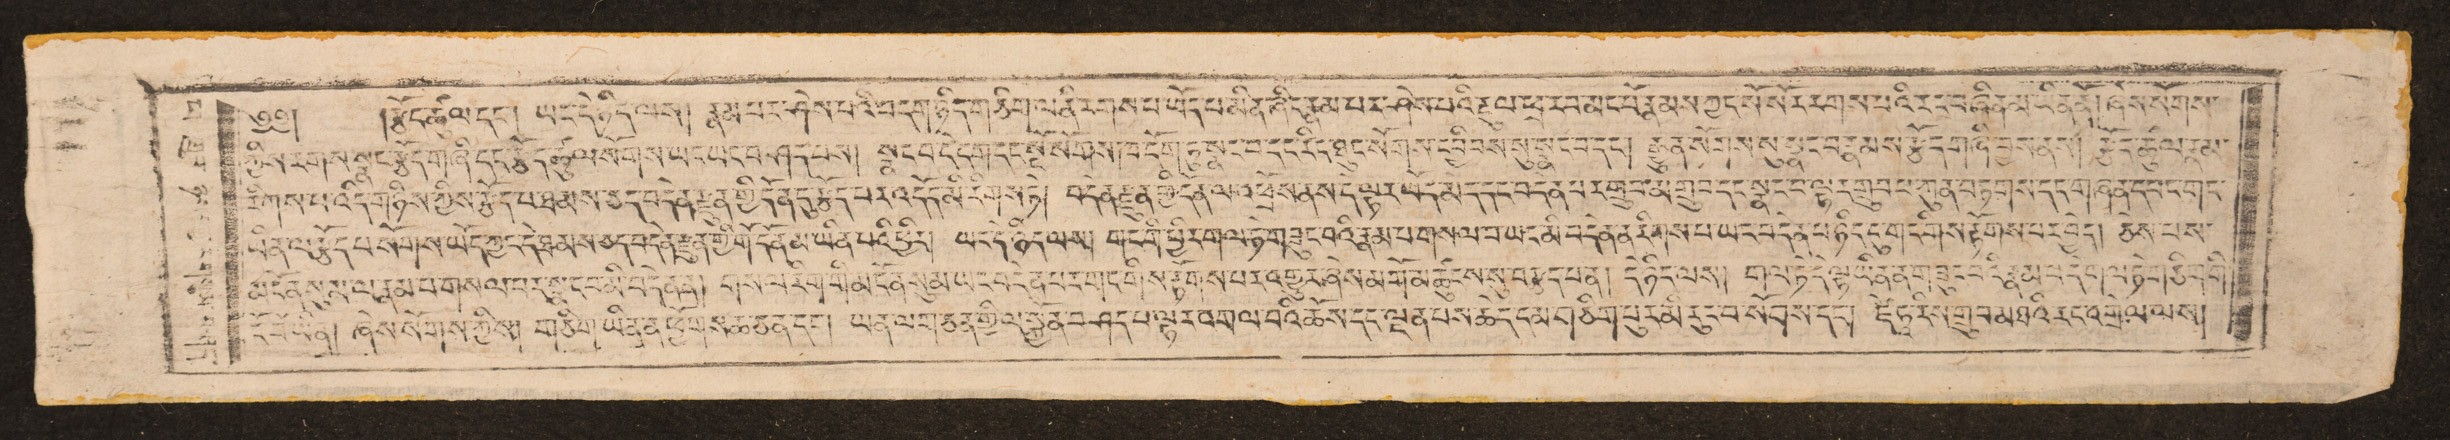༄༅། །རྩོད་ཚུལ་དང་། ཡང་དེ་ཉིད་ལས། རྣམ་པར་ཤེས་པའི་བདག་ཉིད་གཅིག་ལ་ནི་རགས་པ་ཡོད་པ་མིན་ཞིང་རྣམ་པར་ཤེས་པའི་རྡུལ་ཕྲ་རབ་མང་པོ་རྣམས་ཀྱང་སོ་སོར་རགས་པའི་རང་བཞིན་མ་ཡིན་ནོ། ཞེས་སོགས་
ཀྱིས་རགས་སྣང་རྩོད་གཞི་དང་རྩོད་ཚུལ་སོགས་ཡང་ཡང་བཤད་པས། སྣང་བ་དེ་དག་དང་སྔོ་སོགས་ཁ་དོག་ཏུ་སྣང་བ་དང་རིང་ཐུང་སོགས་དབྱིབས་སུ་སྣང་བ་དང་། རྒྱུན་སོགས་སུ་སྣང་བ་རྣམས་རྩོད་གཞི་བྱས་ནས། རྩོད་ཚུལ་རྣམ་
རིགས་པ་འདི་གཉིས་ཀྱིས་རྩོད་པ་ཐམས་ཅད་བདེན་རྫུན་གྱི་དོན་དུ་རྩོད་པར་འདོད་མི་རིགས་ཏེ། བདེན་རྫུན་གྱི་དོན་ལ་འཕྲོས་ནས་དེ་ལྟར་ཡོད་མེད་དང་བདེན་པར་གྲུབ་མ་གྲུབ་དང་སྣང་བ་ལྟར་གྲུབ་པ་ཀུན་བཏགས་དང་གཞན་དབང་གང་
ཡིན་ལ་རྩོད་པ་སོགས་ཡོད་ཀྱང་དེ་ཐམས་ཅད་བདེན་རྫུན་གྱི་གོ་དོན་མ་ཡིན་པའི་ཕྱིར། ཡང་དེ་ཉིད་ལས། གང་གི་ཕྱིར་གལ་ཏེ་གཟུང་བའི་རྣམ་པ་གསལ་བ་ཡང་མི་བདེན་ན་རིགས་པ་ཡང་བདེན་པ་ཉིད་དུ་གང་གིས་རྟོགས་པར་བྱེད། ཅེས་པས་
མངོན་སུམ་ལ་རྣམ་པ་གསལ་བར་སྣང་བ་མི་བདེན་ན། གསལ་རིག་གི་མངོན་སུམ་ཡང་བདེན་པར་གང་གིས་རྟོགས་པར་འགྱུར་ཞེས་མགོ་མཚུངས་སུ་བརྩད་པ་ན། དེ་ཉིད་ལས། གལ་ཏེ་དེ་ལྟ་ཡིན་ན་གཟུང་པའི་རྣམ་པ་དེ་གལ་ཏེ་གཅིག་གི་
ངོ་བོ་ཡིན། ཞེས་སོགས་ཀྱིས། གཅིག་ཡིན་ན་ཕྱོགས་ཆ་ཅན་དང་། ཡན་ལག་ཅན་གྱི་ལ་སྐྱོན་བཤད་པ་ལྟར་འགལ་བའི་ཆོས་དང་ལྡན་པས་ཆེད་དམ་གཅིག་པུར་མི་རུང་བ་སོགས་དང་། ཛེ་ཏཱ་རིས་གྲུབ་མཐའི་རང་འགྲེལ་ལས།